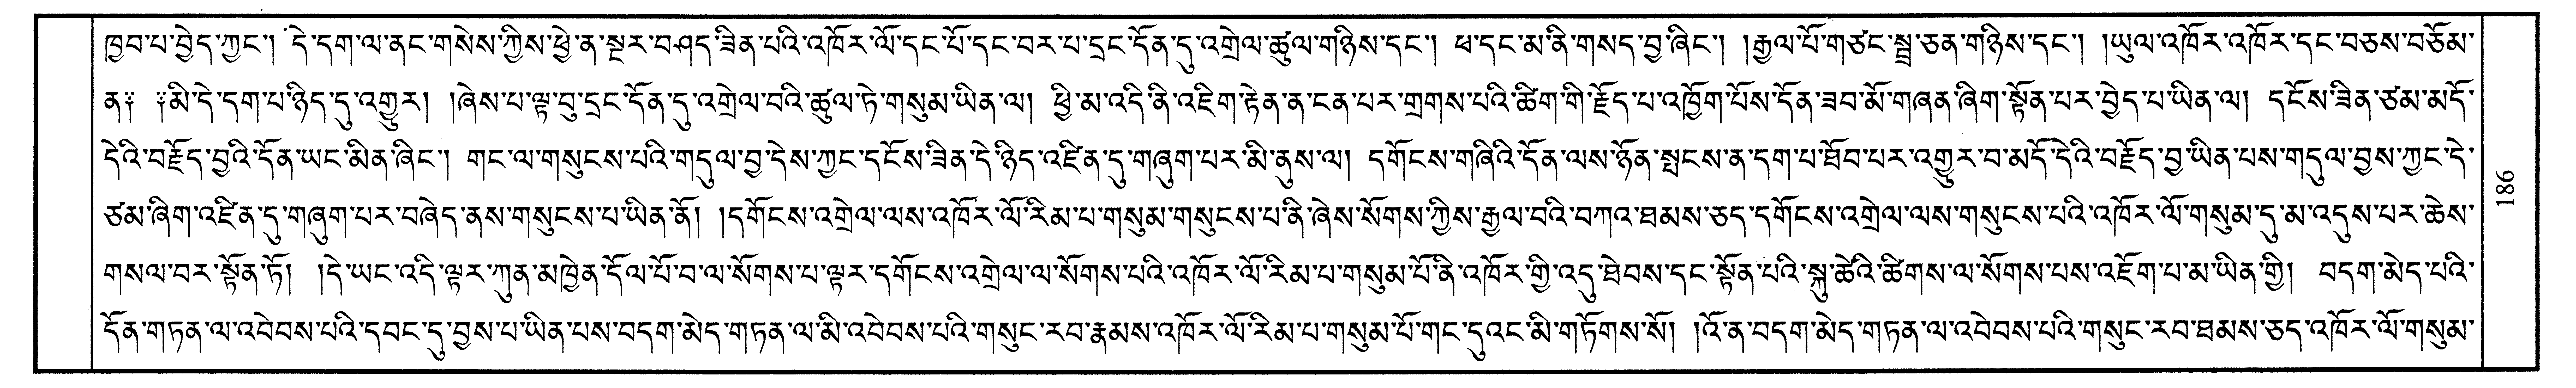ཁྱབ་པ་བྱེད་ཀྱང་། དེ་དག་ལ་ནང་གསེས་ཀྱིས་ཕྱེ་ན་སྔར་བཤད་ཟིན་པའི་འཁོར་ལོ་དང་པོ་དང་བར་པ་དྲང་དོན་དུ་འགྲེལ་ཚུལ་གཉིས་དང་། ཕ་དང་མ་ནི་གསད་བྱ་ཞིང་། །རྒྱལ་པོ་གཙང་སྦྲ་ཅན་གཉིས་དང་། །ཡུལ་འཁོར་འཁོར་དང་བཅས་བཅོམ་
ན༑ ༑མི་དེ་དག་པ་ཉིད་དུ་འགྱུར། །ཞེས་པ་ལྟ་བུ་དྲང་དོན་དུ་འགྲེལ་པའི་ཚུལ་ཏེ་གསུམ་ཡིན་ལ། ཕྱི་མ་འདི་ནི་འཇིག་རྟེན་ན་ངན་པར་གྲགས་པའི་ཚིག་གི་རྗོད་པ་འཁྱོག་པོས་དོན་ཟབ་མོ་གཞན་ཞིག་སྟོན་པར་བྱེད་པ་ཡིན་ལ། དངོས་ཟིན་ཙམ་མདོ་
དེའི་བརྗོད་བྱའི་དོན་ཡང་མིན་ཞིང་། གང་ལ་གསུངས་པའི་གདུལ་བྱ་དེས་ཀྱང་དངོས་ཟིན་དེ་ཉིད་འཛིན་དུ་གཞུག་པར་མི་ནུས་ལ། དགོངས་གཞིའི་དོན་ལས་ཉོན་སྤངས་ན་དག་པ་ཐོབ་པར་འགྱུར་བ་མདོ་དེའི་བརྗོད་བྱ་ཡིན་པས་གདུལ་བྱས་ཀྱང་དེ་
ཙམ་ཞིག་འཛིན་དུ་གཞུག་པར་བཞེད་ནས་གསུངས་པ་ཡིན་ནོ། །དགོངས་འགྲེལ་ལས་འཁོར་ལོ་རིམ་པ་གསུམ་གསུངས་པ་ནི་ཞེས་སོགས་ཀྱིས་རྒྱལ་བའི་བཀའ་ཐམས་ཅད་དགོངས་འགྲེལ་ལས་གསུངས་པའི་འཁོར་ལོ་གསུམ་དུ་མ་འདུས་པར་ཆེས་
གསལ་བར་སྟོན་ཏོ། །དེ་ཡང་འདི་ལྟར་ཀུན་མཁྱེན་དོལ་པོ་བ་ལ་སོགས་པ་ལྟར་དགོངས་འགྲེལ་ལ་སོགས་པའི་འཁོར་ལོ་རིམ་པ་གསུམ་པོ་ནི་འཁོར་གྱི་འདུ་ཐེབས་དང་སྟོན་པའི་སྐུ་ཚེའི་ཚིགས་ལ་སོགས་པས་འཇོག་པ་མ་ཡིན་གྱི། བདག་མེད་པའི་
དོན་གཏན་ལ་འབེབས་པའི་དབང་དུ་བྱས་པ་ཡིན་པས་བདག་མེད་གཏན་ལ་མི་འབེབས་པའི་གསུང་རབ་རྣམས་འཁོར་ལོ་རིམ་པ་གསུམ་པོ་གང་དུའང་མི་གཏོགས་སོ། །འོ་ན་བདག་མེད་གཏན་ལ་འབེབས་པའི་གསུང་རབ་ཐམས་ཅད་འཁོར་ལོ་གསུམ་